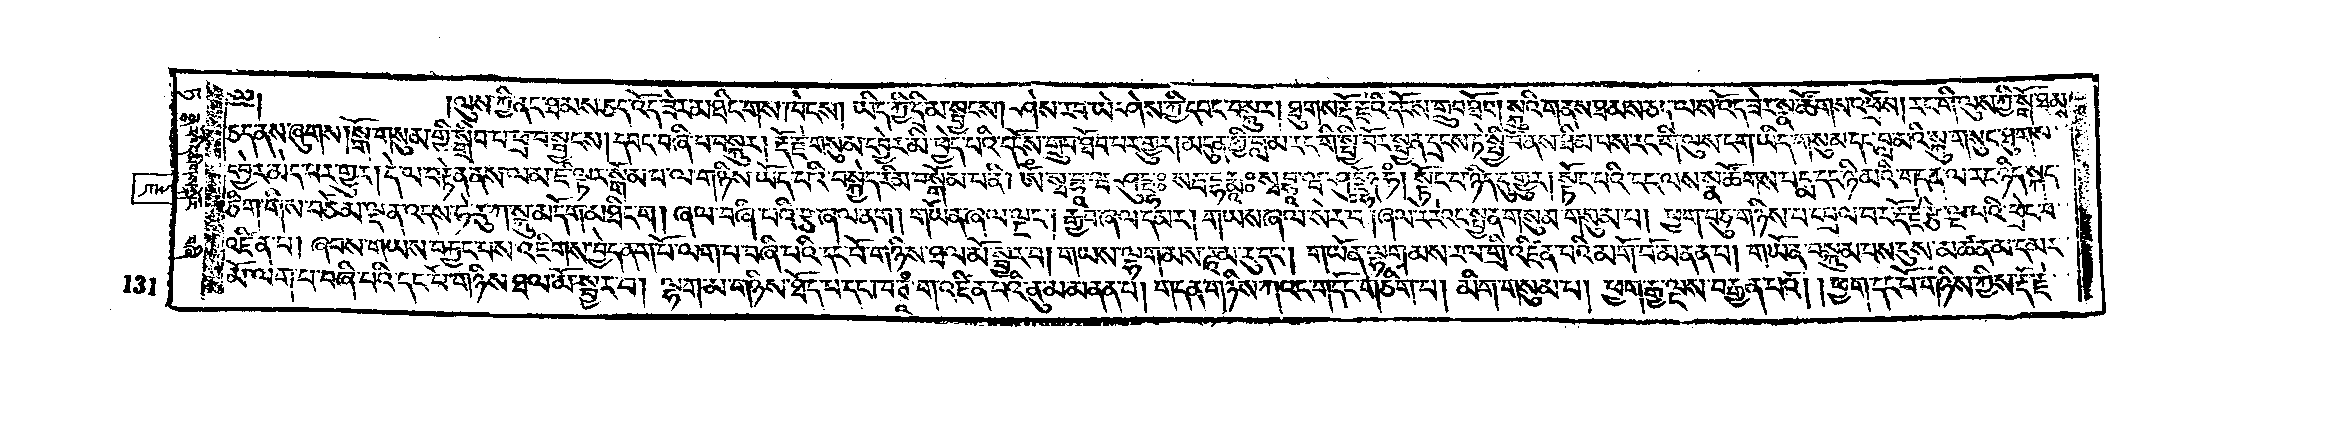༄༅། །ལུས་ཀྱི་ནང་ཐམས་ཅད་འོད་ཟེར་མཐིང་གས་ཁེངས། ཡིད་ཀྱི་དྲི་མ་སྦྱངས། ཤེས་རབ་ཡེ་ཤེས་ཀྱི་དབང་བསྐུར། ཐུགས་རྡོ་རྗེའི་དངོས་གྲུབ་ཐོབ། སྐུའི་གནས་ཐམས་ཅད་ལས་འོད་ཟེར་སྣ་ཚོགས་འཕྲོས། རང་གི་ལུས་ཀྱི་སྒོ་ཐམས་
ཅད་ནས་ཞུགས། སྒོ་གསུམ་གྱི་སྒྲིབ་པ་ཕྲ་བ་སྦྱངས། དབང་བཞི་པ་བསྐུར། རྡོ་རྗེ་གསུམ་དབྱེར་མི་ཕྱེད་པའི་དངོས་གྲུབ་ཐོབ་པར་གྱུར། མདུན་གྱི་བླ་མ་རང་གི་སྤྱི་བོར་སྤྱན་དྲངས་ཏེ་སྤྱི་བོ་ནས་ཐིམ་པས་རང་གི་ལུས་ངག་ཡིད་གསུམ་དང་བླ་མའི་སྐུ་གསུང་ཐུགས་
དབྱེར་མེད་པར་གྱུར། དེ་ལ་བརྟེན་ནས་ལམ་ཇི་ལྟར་སྒོམ་པ་ལ་གཉིས་ཡོད་པའི་བསྐྱེད་རིམ་བསྒོམ་པ་ནི། ཨོཾ་སྭ་བྷཱ་ཝ་ཤུདྡྷཿ སརྦ་དྷརྨཱཿ སྭ་བྷཱ་ཝ་ཤུདྡྷོཉ་ཧཾ། སྟོང་པ་ཉིད་དུ་གྱུར། སྟོང་པའི་ངང་ལས་སྣ་ཚོགས་པདམ་དང་ཉི་མའི་གདན་ལ་རང་ཉིད་སྐད་
ཅིག་གིས་བཅོམ་ལྡན་འདས་ཧེ་རུ་ཀ་སྐུ་མདོག་མཐིང་ག །ཞལ་བཞི་པའི་རྩ་ཞལ་ནག །གཡོན་ཞལ་ལྗང་། རྒྱབ་ཞལ་དམར། གཡས་ཞལ་སེར་བ། ཞལ་རེ་རེའང་སྤྱན་གསུམ་གསུམ་པ། ཕྱག་བཅུ་གཉིས་པ་དཔྲལ་བར་རྡོ་རྗེ་རྩེ་ལྔ་པའི་ཕྲེང་བ་
འཛིན་པ། ཞབས་གཡས་བརྐྱང་བས་འཇིགས་བྱེད་ནག་པོ་ལག་པ་བཞི་པའི་དང་པོ་གཉིས་ཐལ་མོ་སྦྱར་བ། གཡས་ལྷག་མས་ཌཱ་མ་རུ་དང་། གཡོན་ལྷག་མས་རལ་གྲི་འཛིན་པའི་མགོ་བོ་མནན་པ། གཡོན་བསྐུམ་པས་དུས་མཚན་མ་དམར་
མོ་ལག་པ་བཞི་པའི་དང་པོ་གཉིས་ཐལ་མོ་སྦྱར་བ། ལྷག་མ་གཉིས་ཐོད་པ་དང་ཁ་ཊྭཱཾ་ག་འཛིན་པའི་ནུ་མ་མནན་པ། གདན་གཉིས་ཀའང་གདོང་གཅིག་པ། མིག་གསུམ་པ། ཕྱག་རྒྱ་ལྔས་བརྒྱན་པའོ། །ཕྱག་དང་པོ་གཉིས་ཀྱིས་རྡོ་རྗེ་